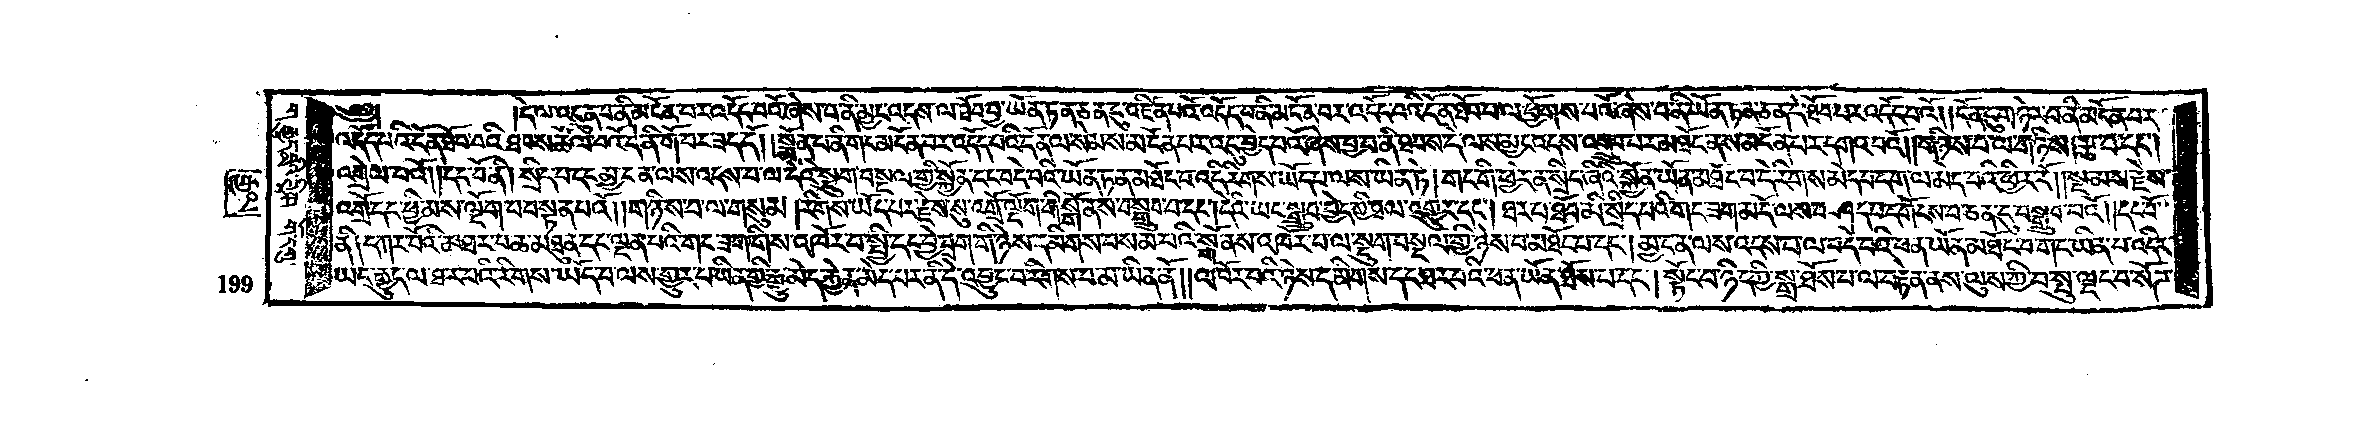༄༅། །དེ་ལ་འདུན་པ་ནི་མངོན་པར་འདོད་པའོ་ཞེས་པ་ནི་མྱང་འདས་ལ་ཐོབ་བྱ་ཡོན་ཏན་ཅན་དུ་འཛིན་པའོ་འདོད་པ་ནི་མངོན་པར་འདོད་པའི་དོན་ཐོབ་པ་ལ་ཕྱོགས་པའོ་ཞེས་པ་ནི་ཡོན་ཏན་ཅན་དེ་ཐོབ་པར་འདོད་པའོ། །དོན་དུ་གཉེར་བ་ནི་མངོན་པར་
འདོད་པའི་དོན་ཐོབ་པའི་ཐབས་ཚོལ་བའོ་དེ་ནི་གོ་བར་ཟད་དོ། །སྨོན་པ་ནི་གང་མངོན་པར་འདོད་པའི་དོན་ལ་སེམས་མངོན་པར་འདུ་བྱེད་པའོ་ཞེས་བྱ་བ་ནི་ཐབས་དེ་ལས་མྱང་འདས་འགྲུབ་པར་མཐོང་ནས་མངོན་པར་དགའ་བའོ། །གཉིས་པ་ལ་གཉིས། རྩ་བ་དང་།
འགྲེལ་པའོ། །དང་པོ་ནི། སྲིད་པ་དང་མྱ་ངན་ལས་འདས་པ་ལ་དེའི་སྡུག་བསྔལ་གྱི་སྐྱོན་དང་བདེ་བའི་ཡོན་ཏན་མཐོང་བ་འདི་རིགས་ཡོད་པ་ལས་ཡིན་ཏེ། གང་གི་ཕྱིར་ན་སྲིད་ཞིའི་སྐྱོན་ཡོན་མཐོང་བ་དེ་རིགས་མེད་པ་དག་ལ་མེད་པའི་ཕྱིར་རོ། །སྔ་མས་རྗེས་
འགྲོ་དང་ཕྱི་མས་ལྡོག་པ་བསྟན་པའོ། །གཉིས་པ་ལ་གསུམ། རིགས་ཡོད་པར་རྗེས་སུ་འགྲོ་ལྡོག་གི་སྒོ་ནས་བསྒྲུབ་པ་དང་། དེའི་ཡང་སྒྲུབ་བྱེད་ཀྱི་ཐལ་འགྱུར་དང་། ཐར་པ་ཐོབ་མི་སྲིད་པའི་གང་ཟག་མདོ་ལས་བཤད་པ་དགོངས་པ་ཅན་དུ་བསྒྲུབ་པའོ། །དང་པོ་
ནི༑ དཀར་པོའི་མཐར་པ་ཆ་མཐུན་དང་ལྡན་པའི་གང་ཟག་གིས་འཁོར་བ་སྤྱི་དང་བྱེ་བྲག་གི་ཉེས་དམིགས་བསམ་པའི་སྒོ་ནས་འཁོར་བ་ལ་སྡུག་བསྔལ་གྱི་ཉེས་པ་མཐོང་བ་དང་། མྱ་ངན་ལས་འདས་པ་ལ་བདེ་བའི་ཕན་ཡོན་མཐོང་བ་གང་ཡིན་པ་འདིར་
ཡང་རྒྱུད་ལ་ཐར་པའི་རིགས་ཡོད་པ་ལས་གྱུར་པ་ཡིན་གྱི་རྒྱུ་མེད་རྐྱེན་མེད་པར་ནི་དེ་འབྱུང་བ་རིགས་པ་མ་ཡིན་ནོ། །འཁོར་བའི་ཉེས་དམིགས་དང་ཐར་པའི་ཕན་ཡོན་ཐོས་པ་དང་། སྟོང་པ་ཉིད་ཀྱི་སྒྲ་ཐོས་པ་ལ་བརྟེན་ནས་ལུས་ཀྱི་བ་སྤུ་ལྡང་བ་སོགས་